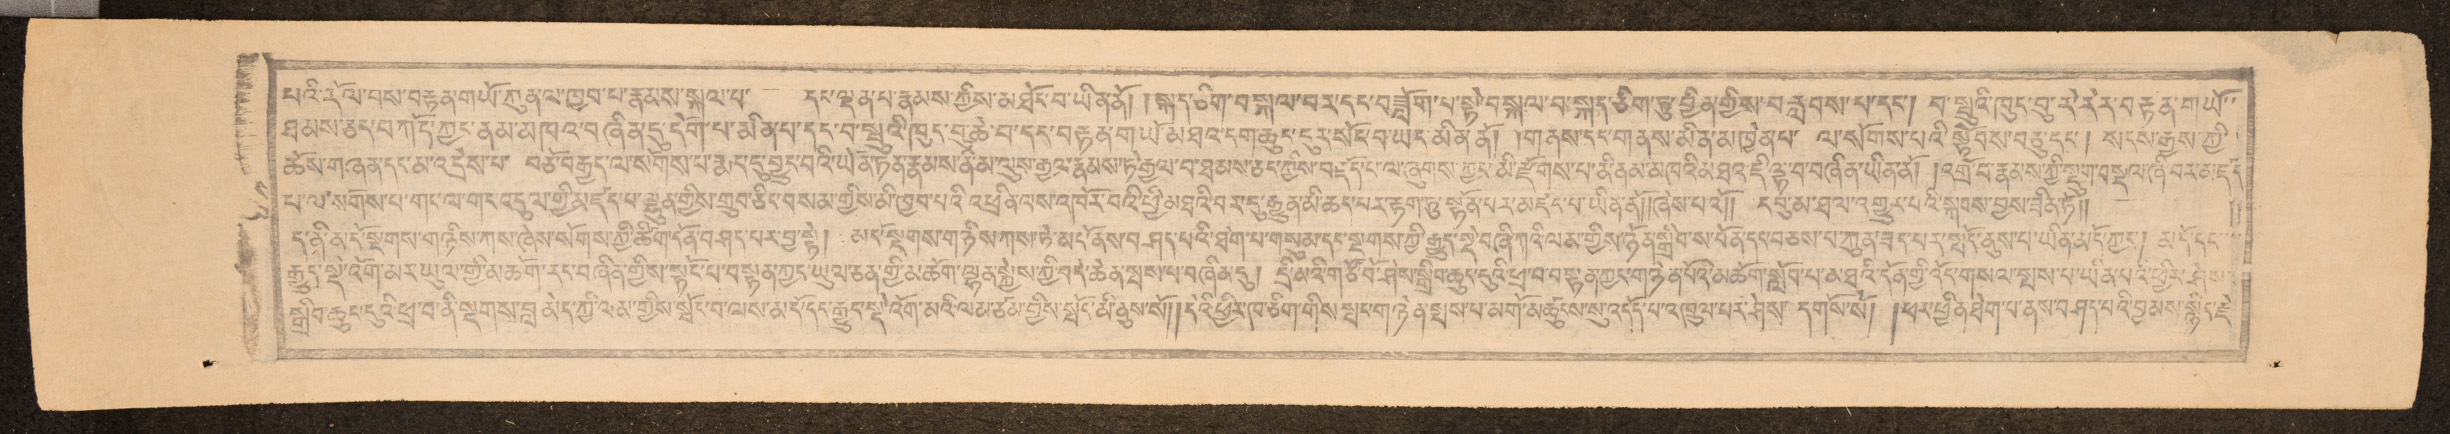པའི་རོལ་བས་བརྟན་གཡོ་ཀུན་ལ་ཁྱབ་པ་རྣམས་སྐལ་པ་དང་ལྡན་པ་རྣམས་ཀྱིས་མཐོང་བ་ཡིན་ནོ། །སྐད་ཅིག་བསྐལ་བར་དང་བཟློག་པ་སྟེ་བསྐལ་བ་སྐད་ཅིག་ཏུ་བྱིན་གྱིས་བརླབས་པ་དང་། བ་སྤུའི་ཁུང་བུ་རེ་རེར་བརྟན་གཡོ་
ཐམས་ཅད་བཀོད་ཀྱང་ནམ་མཁའ་བཞིན་དུ་དོག་པ་མིན་པ་དང་བ་སྤུའི་ཁུང་བུ་ཆེ་བ་དང་བརྟན་གཡོ་མཐའ་དག་ཆུང་དུར་སོང་བ་ཡང་མིན་ནོ། །གནས་དང་གནས་མིན་མཁྱེན་པ་ལ་སོགས་པའི་སྟོབས་བཅུ་དང་། སངས་རྒྱས་ཀྱི་
ཆོས་གཞན་དང་མ་འདྲེས་པ་བཅོ་བརྒྱད་ལ་སོགས་པ་རྨད་དུ་བྱུང་བའི་ཡོན་ཏན་རྣམས་ནི་མ་ལུས་རྒྱལ་རྣམས་ཏེ་རྒྱལ་བ་ཐམས་ཅད་ཀྱིས་བརྗོད་པ་ལ་ཞུགས་ཀྱང་མི་རྫོགས་པ་ནི་ནམ་མཁའི་མཐའ་ཇི་ལྟ་བ་བཞིན་ཡིན་ནོ། །འགྲོ་བ་རྣམས་ཀྱི་སྡུག་བསྔལ་ཞི་བར་མཛད་
པ་ལ་སོགས་པ་གང་ལ་གང་འདུལ་གྱི་མཛད་པ་ལྷུན་གྱིས་གྲུབ་ཅིང་བསམ་གྱིས་མི་ཁྱབ་པའི་འཕྲིན་ལས་འཁོར་བའི་ཕྱི་མཐའི་བར་དུ་རྒྱུན་མི་ཆད་པར་རྟག་ཏུ་སྟོན་པར་མཛད་པ་ཡིན་ནོ། །ཞེས་པའོ།། དབུ་མ་ཐལ་འགྱུར་བའི་སྐབས་བྱས་ཟིན་ཏེ།། །།
ད་ནི་མདོ་སྔགས་གཉིས་ཀས་ཞེས་སོགས་ཀྱི་ཚིག་དོན་བཤད་པར་བྱ་སྟེ། མདོ་སྔགས་གཉིས་ཀས་ཏེ་མདོ་ནས་བཤད་པའི་ཐེག་པ་གསུམ་དང་སྔགས་ཀྱི་རྒྱུད་སྡེ་བཞི་ཀའི་ལམ་གྱིས་ཉོན་སྒྲིབ་ས་བོན་དང་བཅས་པ་ཀུན་ཟད་པར་སྤོང་ནུས་པ་ཡིན་མདོ་ཀྱང་། མདོ་དང་
རྒྱུད་སྡེ་འོག་མར་ཡུལ་གྱི་མཆོག་རང་བཞིན་གྱིས་སྟོང་པ་བསྟན་ཀྱང་ཡུལ་ཅན་གྱི་མཆོག་ལྷན་སྐྱེས་ཀྱི་བདེ་ཆེན་སྦས་པ་བཞིན་དུ། དྲི་མའི་གཙོ་བོ་ཤེས་སྒྲིབ་ཆུང་དུའི་ཕྲ་བ་བསྟན་ཀྱང་གཉེན་པོའི་མཆོག་སློབ་པ་མཐའི་དོན་གྱི་འོད་གསལ་སྤས་པ་ཡིན་པའི་ཕྱིར་ཤེས་
སྒྲིབ་ཆུང་དུའི་ཕྲ་བ་ནི་སྔགས་བླ་མེད་ཀྱི་ལམ་གྱིས་སྤོང་བ་ལས་མདོ་དང་རྒྱུད་སྡེ་འོག་མའི་ལམ་ཙམ་གྱིས་སྤོང་མི་ནུས་སོ། །དེའི་ཕྱིར་ཁ་ཅིག་གིས་སྤང་གཉེན་སྤས་པ་མགོ་མཚུངས་སུ་འདོད་པ་འཁྲུལ་པར་ཤེས་དགོས་སོ། །ཕར་ཕྱིན་ཐེག་པ་ནས་བཤད་པའི་བྱམས་སྙིང་རྗེ་